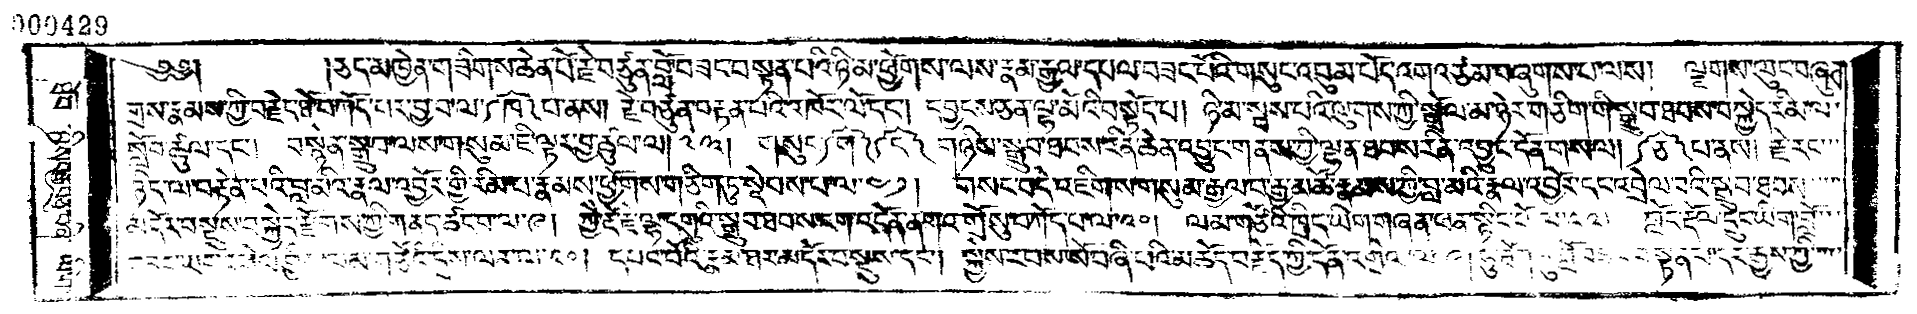༄༅། །ཅད་མཁྱེན་གཟིགས་ཆེན་པོ་རྗེ་བཙུན་བློ་བཟང་བསྟན་པའི་ཉི་མ་ཕྱོགས་ལས་རྣམ་རྒྱལ་དཔལ་བཟང་པོའི་གསུང་འབུམ་པོད་འགའ་ཙམ་བཞུགས་པ་ལས། འཇགས་ལུང་བཞུཊ་
གྲས་རྣམས་ཀྱི་བརྗེད་ཐོ་བཀོད་པར་བྱ་བ་ལ ༼ཁ༽ པ་ནས། རྗེ་བཙུན་བརྟན་པའི་འཁོར་ལོ་དང་། དབྱངས་ཅན་ལྷ་མོའི་བསྟོད་པ། ཉི་མ་སྦས་པའི་ལུགས་ཀྱི་སྒྲོལ་མ་ཉེར་གཅིག་གི་སྒྲུབ་ཐབས་བསྐྱེད་རིམ་
སློབ་ཚུལ་དང་། བསྙེན་སྒྲུབ་ལས་གསུམ་ཇི་ལྟར་བྱ་ཚུལ་ལ། ༢༣། གསུང ༼ག༽ ༼ང༽ གཉིས་སྒྲུབ་ཐབས་རིན་ཆེན་འབྱུང་གནས་ཀྱི་ལྷན་ཐབས་རིན་འབྱུང་དོན་གསལ། ༼ཅ༽ པ་ནས། རྗེ་རང་
ཉིད་ལ་བརྟེན་པའི་བླ་མའི་རྣལ་འབྱོར་གྱི་རིམ་པ་རྣམས་ཕྱོགས་གཅིག་ཏུ་སྡེབས་པ་ལ ༤༡། གསང་བདེ་འཇིགས་གསུམ་རྒྱལ་བ་རྒྱལ་མཚོ་རྣམས་ཁྱི་བླ་མའི་རྣལ་འབྱོར་དང་འབྲེལ་བའི་སྒྲུབ་ཐབས་
མདོར་བསྡུས་བསྐྱེད་རྫོགས་ཀྱི་གནད་ཚང་བ་ལ༩། ཀྱཻ་རྡོ་རྗེ་ལྷ་དགུའི་སྒྲུབ་ཐབས་ངག་འདོན་ནག་འགྲོ་སུ་བཀོད་པ་ལ ༢༠། ལམ་གཙོའི་ཁྲིད་ཡིག་གཞན་ཕན་སྙིང་པོ་ལ༢༢། ཀློང་རྡོལ་དྲུང་ཡིག་བློ་
བཟང་ཡར་འཕེལ་གྱིས་ལམ་གཙོའི་དྲིས་ལན་ལ ༢༠། དཔའ་བོའི་རྣམ་ཐར་མདོར་བསྡུས་དང་། སྐྱེས་རབས་སོ་བཞི་པའི་མཆོད་བརྗོད་ཀྱི་དོན་འགྲེལ་ལ ༩། ཧུ་ཐོག་ཐུ་བློ་བཟང་བསྟན་པ་དར་རྒྱས་ཀྱི་